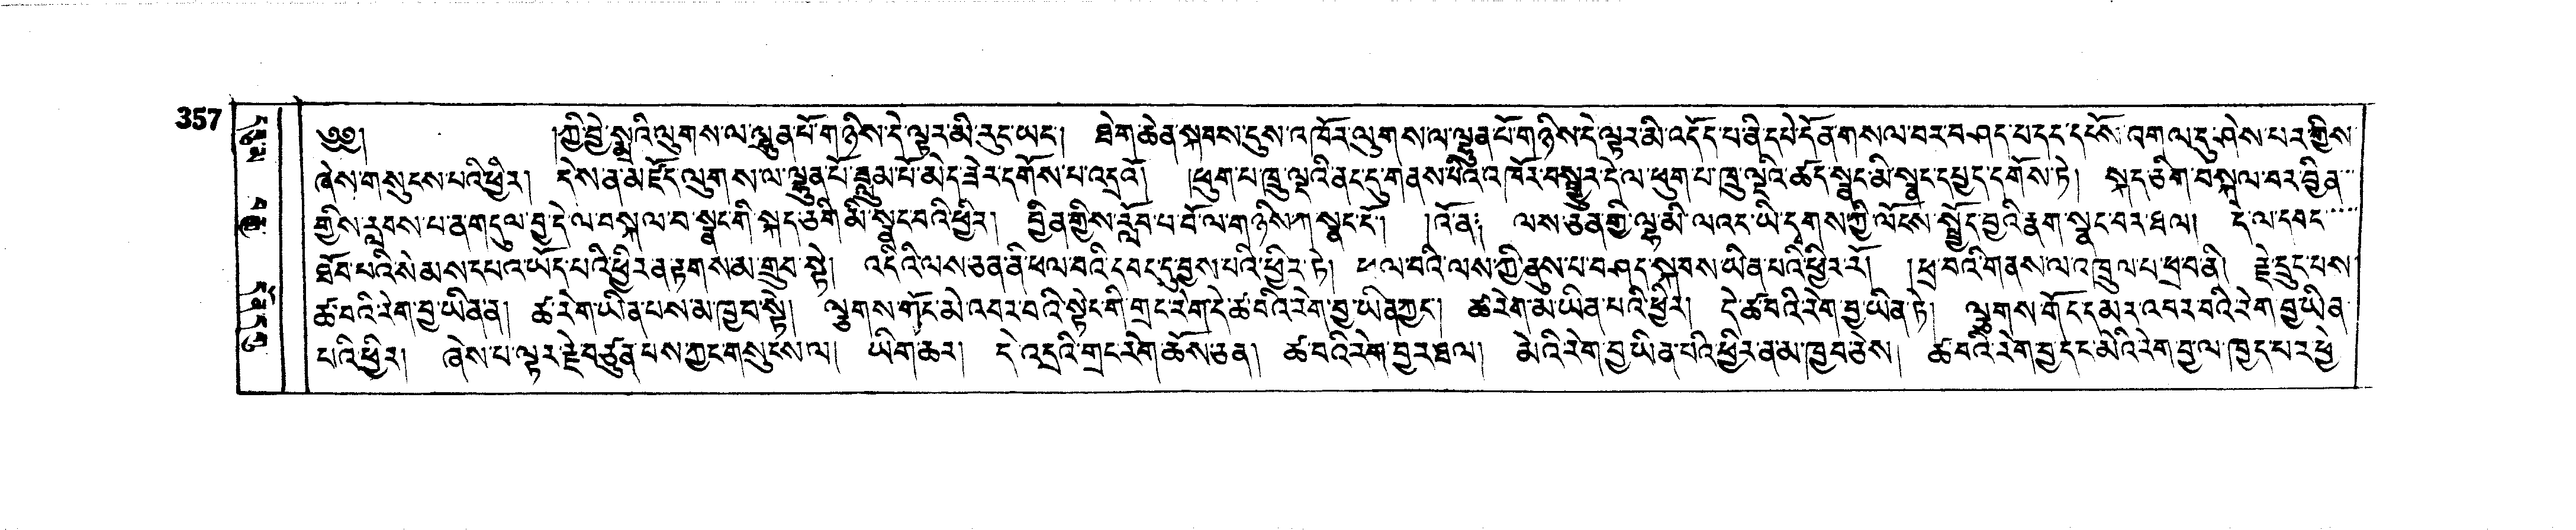༄༅། །ཀྱི་བྱེ་སྨྲའི་ལུགས་ལ་ལྷུན་པོ་གཉིས་དེ་ལྟར་མི་རུང་ཡང་། ཐེག་ཆེན་སྐབས་དུས་འཁོར་ལུགས་ལ་ལྷུན་པོ་གཉིས་དེ་ལྟར་མི་འདོད་པ་ནི་དཔེ་དོན་གསལ་བར་བཤད་པ་དང་དངོས་འགལ་དུ་ཤེས་པར་གྱིས་
ཞེས་གསུངས་པའི་ཕྱིར། དེས་ན་མཛོད་ལུགས་ལ་ལྷུན་པོ་ཟླུམ་པོ་མེད་ཟེར་དགོས་པ་འདྲའོ། །ཕུག་པ་ཁྲུ་ལྔའི་ནང་དུ་གནས་པའི་འཁོར་བསྒྱུར་དེ་ལ་ཕུག་པ་ཁྲུ་ལྔའི་ཚད་སྣང་མི་སྣང་དཔྱད་དགོས་ཏེ། སྐད་ཅིག་བསྐལ་བར་བྱིན་
གྱིས་རླབས་པ་ན་གདུལ་བྱ་དེ་ལ་བསྐལ་བ་སྣང་གི་སྐད་ཅིག་མི་སྣང་བའི་ཕྱིར། བྱིན་གྱིས་རློབ་པ་བོ་ལ་གཉིས་ཀ་སྣང་ངོ། །འོ་ན༑ ལས་ཅན་གྱི་ལྷ་མི་ལའང་ཡི་དྭགས་ཀྱི་ལོངས་སྤྱོད་བྱའི་རྣག་སྣང་བར་ཐལ། དེ་ལ་དབང་
ཐོབ་པའི་སེམས་དཔའ་ཡོད་པའི་ཕྱིར་ན་རྟགས་མ་གྲུབ་སྟེ། འདིའི་ལས་ཅན་ནི་ཕལ་བའི་དབང་དུ་བྱས་པའི་ཕྱིར་ཏེ། ཕལ་བའི་ལས་ཀྱི་ནུས་པ་བཤད་སྐབས་ཡིན་པའི་ཕྱིར་རོ། །ཕྲ་བའི་གནས་ལ་འཁྲུལ་པ་ཕྲ་བ་ནི། རྗེ་དྲུང་པས་
ཚ་བའི་རེག་བྱ་ཡིན་ན། ཚ་རེག་ཡིན་པས་མ་ཁྱབ་སྟེ། ལྕགས་གོང་མེ་འབར་བའི་སྟེང་གི་གྲང་རེག་དེ་ཚ་བའི་རེག་བྱ་ཡིན་ཀྱང་། ཚ་རེག་མ་ཡིན་པའི་ཕྱིར། དེ་ཚ་བའི་རེག་བྱ་ཡིན་ཏེ། ལྕགས་གོང་དམར་འབར་བའི་རེག་བྱ་ཡིན་
པའི་ཕྱིར། ཞེས་པ་ལྟར་རྗེ་བཙུན་པས་ཀྱང་གསུངས་ལ། ཡིག་ཆར། དེ་འདྲའི་གྲང་རེག་ཆོས་ཅན། ཚ་བའི་རེག་བྱར་ཐལ། མེའི་རེག་བྱ་ཡིན་པའི་ཕྱིར་ན་མ་ཁྱབ་ཅེས། ཚ་བའི་རེག་བྱ་དང་མེའི་རེག་བྱ་ལ་ཁྱད་པར་ཕྱེ་